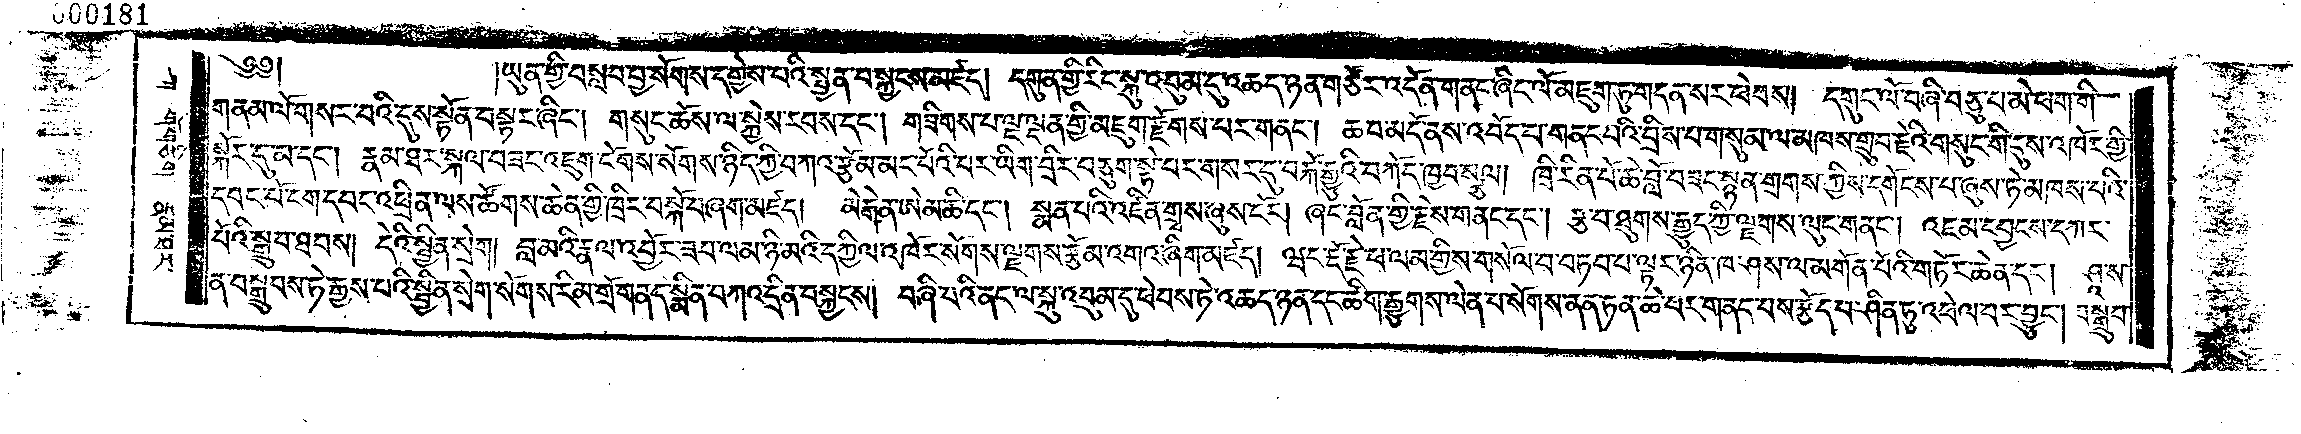༄༅། །ཡུན་གྱི་བསླབ་བྱ་སོགས་དགྱེས་པའི་སྤྱན་བསྐྱངས་མཛད། དགུན་གྱི་རིང་སྐུ་འབུམ་དུ་འཆད་ཉན་གཙོར་འདོན་གནང་ཞིང་ལོ་མཇུག་ཏུ་གདན་སར་ཕེབས། དགུང་ལོ་བཞི་བཅུ་པ་མེ་ཕག་གི་
གནམ་ལོ་གསར་བའི་དུས་སྟོན་བསྟར་ཞིང་། གསུང་ཆོས་ལ་སྐྱེས་རབས་དང་། གཟིགས་པ་ལྔ་ལྡན་གྱི་མཇུག་རྫོགས་པར་གནང་། ཆབ་མདོ་ནས་འབོད་པ་གནང་བའི་བྲིས་པ་གསུམ་ལ་མཁས་གྲུབ་རྗེའི་གསུང་གི་དུས་འཁོར་གྱི་
སྐོར་དུ་མ་དང་། རྣམ་ཐར་སྐལ་བཟང་འཇུག་ངོགས་སོགས་ཉིད་ཀྱི་བཀའ་རྩོམ་མང་པོའི་པར་ཡིག་བྲིར་བཅུག་སྟེ་པར་གསར་དུ་བརྐོ་རྒྱུའི་བཀོད་ཁྱབ་སྩལ། ཁྲི་རིན་པོ་ཆེ་བློ་བཟང་སྙན་གྲགས་ཀྱིས་དགོངས་པ་ཞུས་ཏེ་མཁས་པའི་
དབང་པོ་ངག་དབང་འཕྲིན་ལས་ཚོགས་ཆེན་གྱི་ཁྲིར་བསྐོ་བཞག་མཛད། མེ་རྒེན་ཨེམ་ཆི་དང་། སྨན་བའི་འཛིན་གྲྭས་ཞུས་ངོར། ཞང་བློན་གྱི་རྗེས་གནང་དང་། རྩ་བ་ཐུགས་རྒྱུད་ཀྱི་ལྗགས་ལུང་གནང་། འཇམ་དབྱངས་དཀར་
པོའི་སྒྲུབ་ཐབས། དེའི་སྦྱིན་སྲེག། བླ་མའི་རྣལ་འབྱོར་ཟབ་ལམ་ཉི་མའི་དཀྱིལ་འཁོར་སོགས་ལྗགས་རྩོམ་འགའ་ཞིག་མཛད། ཝང་རྡོ་རྗེ་ཕ་ལམ་གྱིས་གསོལ་བ་བཏབ་པ་ལྟར་ཉིན་ཁ་ཤས་ལ་མགོན་པོའི་གཏོར་ཆེན་དང་། ཤཱ་ས་
ན་བསྒྲུབས་ཏེ་རྒྱས་པའི་སྦྱིན་སྲེག་སོགས་རིམ་གྲོ་གནད་སྨིན་བཀའ་དྲིན་བསྐྱངས། བཞི་པའི་ནང་ལ་སྐུ་འབུམ་དུ་ཕེབས་ཏེ་འཆང་ཉན་དང་ཚིག་རྒྱགས་ལེན་པ་སོགས་ནན་ཏན་ཆེ་པར་གནང་པས་རྩོད་པ་ཤིན་ཏུ་འཕེལ་བར་བྱུང་། བསྒྲུབ་